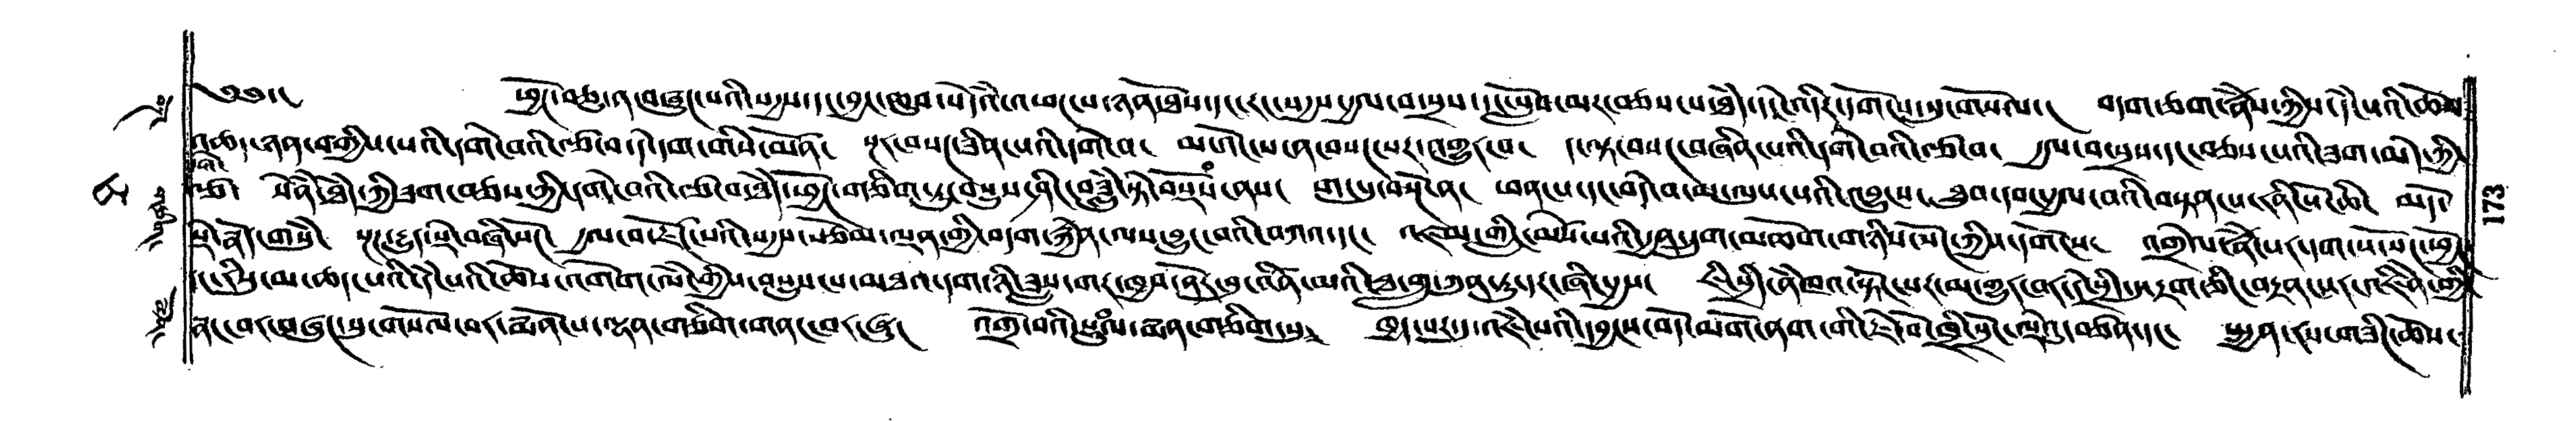༄༅། ཕྱོགས་བཅུ་ན་བཞུགས་པའི་སངས་རྒྱས་དང་བྱང་ཆུབ་སེམས་དཔའ་འཕགས་པ་ཉན་ཐོས་དང་རང་སངས་རྒྱས་རྒྱལ་བ་སྲས་དང་སློབ་མར་བཅས་པ་ཐམས་ཅད་དེང་འདིར་དགོངས་སུ་གསོལ། བདག་ཅག་རྣམས་ཀྱིས་དམ་པའི་ཆོས་
འཆད་ཉན་བགྱིས་པའི་དགེ་བའི་རྩ་བ་དེ་དག་གིས་མཚོན། སྔར་བསགས་ཟིན་པའི་དགེ་བ་མ་འོངས་པ་ན་གསོག་པར་འགྱུར་བ། ད་ལྟ་གསོག་བཞིན་པའི་དགེ་བའི་རྩ་བ། རྒྱལ་བ་སྲས་དང་བཅས་པའི་ཟག་མེད་ཀྱི་
དགེ་རྩ། སེམས་ཅན་ཐམས་ཅད་ཀྱི་ཟག་བཅས་ཀྱི་དགེ་བའི་རྩ་བ་ཐམས་ཅད་ཕྱོགས་གཅིག་ཏུ་བསྡུས་ཤིང་བཟླུམས་སྟེ་བསྡོམས་ནས། གང་དུ་བསྔོ་ན། ཕན་པ་དང་བདེ་བ་མ་ལུས་པའི་འབྱུང་གནས་ཐུབ་དབང་རྒྱལ་བའི་བསྟན་པ་རིན་པོ་ཆེ། མདོ་
སྡེ་སྣོད་གསུམ། སྔགས་རྒྱུད་སྡེ་བཞི་སོགས་རྒྱལ་བ་རྫོགས་པའི་སངས་རྒྱས་བཅོམ་ལྡན་འདས་གྱི་བདག་རྐྱེན་ལས་བྱུང་བའི་བཀའ་དང་། འཛམ་གླིང་མཛེས་པའི་རྒྱན་དྲུག་མཆོག་གཉིས་སོགས་ཀྱི་དགོངས་འགྲེལ་རྣམ་པར་དག་པ་སོགས་ཕྱོགས་
དང་རིས་སུ་མ་ཆད་པའི་དམ་པའི་ཆོས་འགོག་ལམ་གྱིས་བསྡུས་པ་མཐའ་དག་ཉི་ཟླས་གར་ཁྱབ་ནོར་བུ་འཛིན་མའི་ཐ་གྲུ་ཀུན་ཏུ་དར་ཞིང་རྒྱས། ཇི་སྲིད་ནམ་མཁའ་སྟོང་པར་མ་གྱུར་བར་དེ་སྲིད་དུ་རྟག་ཅིང་བརྟན་པར་འཇིག་རྟེན་གྱི་
སྣང་བར་བཞུགས་སུ་གསོལ་བར་སྨོན་པ་ལྷན་གཅིག་གནང་བར་ཞུ། འགྲོ་བའི་སྡུག་བསྔལ་སྨན་གཅིག་པུ། ཁྱད་པར་དུ་འཇམ་པའི་དབྱངས་བོད་མགོ་ནག་གི་རྗེ་བོ་ཁྲི་སྲོང་ལྡེའུ་བཙན་དང་། སྤྱན་རས་གཟིགས་ཆོས་